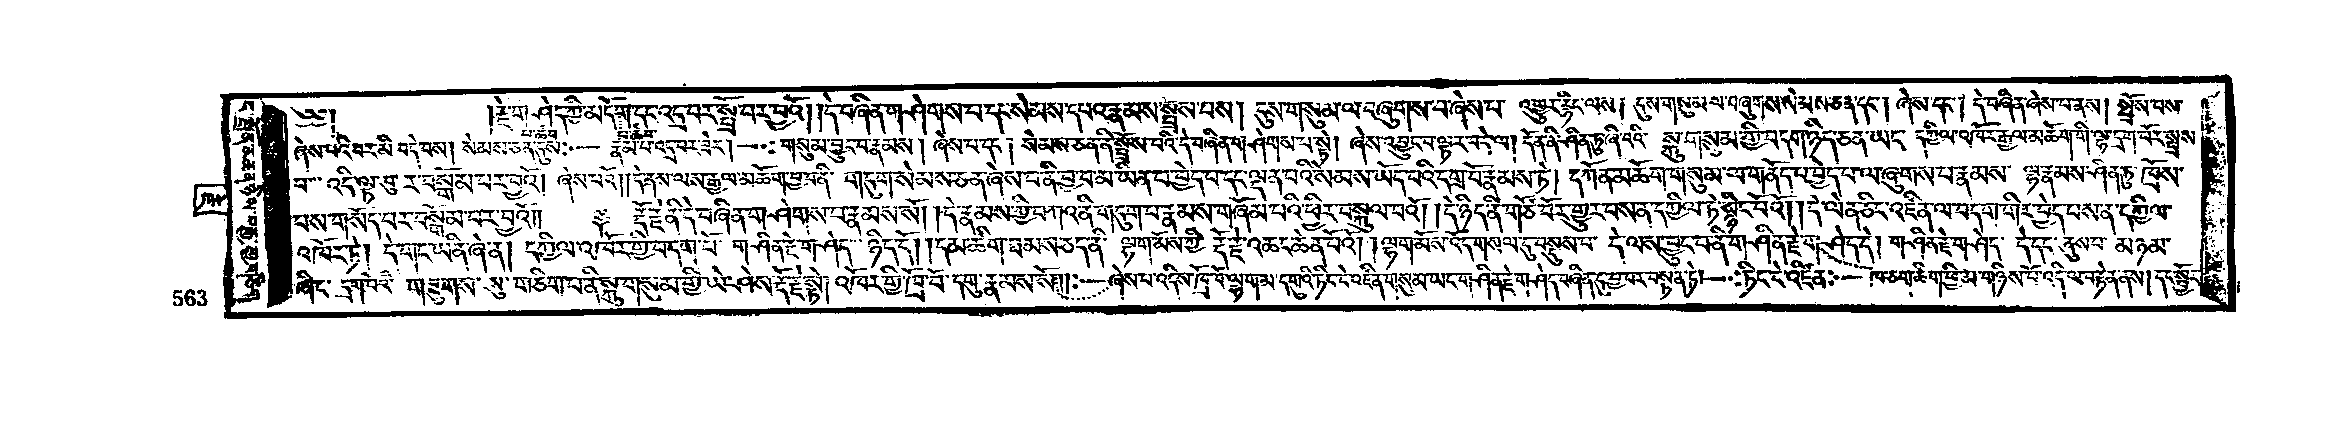༄༅། །རྗེ་གཤེད་ཀྱི་མདོག་དང་འདྲ་བར་སྤྲོ་བར་བྱའོ། །དེ་བཞིན་གཤེགས་པ་དང་སེམས་དཔའ་རྣམས་སྤྲས་པས། དུས་གསུམ་ལ་བཞུགས་པ་ཞེས་པ་འགྱུར་རྙིང་ལས། དུས་གསུམ་ལ་བཞུགས་སེམས་ཅན་དང་། ཞེས་དང་། དེ་བཞིན་ཞེས་པ་ནས། སྤྲོས་པས་
ཞེས?་པའི་བར་མི་བདེ་བས། སེམས་ཅན་པ་ཚབ་དུསཿ་རྣམ་པ་ཚབ་པ་འདྲ་བར་ཟེར། གསུམ་བྱུང་བ་རྣམས། ཞེས་པ་དང་། སེམས་ཅན་ནི་སྤྲོས་པའི་དེ་བཞིན་གཤེགས་པ་སྟེ། ཞེས་འབྱུང་བ་ལྟར་བདེ་ལ། དོན་ནི་ཤིན་ཏུ་ཞི་བའི་སྐུ་གསུམ་གྱི་བདག་ཉིད་ཅན་ཡང་དཀྱིལ་འཁོར་རྒྱལ་མཆོག་གི་ལྷ་དྲག་པོར་སྤྲས་
པ་འདི་ལྟ་བུར་བསྒོམ་པར་བྱའོ། ཞེས་པའོ། །དེ་ནས་ལས་རྒྱལ་མཆོག་བྱ་བ་ནི་གདུག་སེམས་ཅན་ཞེས་པ་ནི་བྱ་བ་མ་ཡིན་པ་བྱེད་པ་དང་ལྡན་པའི་སེམས་ཡོད་པའི་དགྲ་བོ་རྣམས་ཏེ། དཀོན་མཆོག་གསུམ་ལ་གནོད་པ་བྱེད་པ་ལ་ཞུགས་པ་རྣམས་ལྷ་རྣམས་ཤིན་ཏུ་ཁྲོས་
པས་གསོད་པར་བསྒོམ་པར་བྱའོ།། ༈ རྡོ་རྗེ་ནི་དེ་བཞིན་གཤེགས་པ་རྣམས་སོ། །དེ་རྣམས་ཀྱི་བཀའ་ནི་གདུག་པ་རྣམས་གཞོམ་པའི་ཕྱིར་བསྐུལ་བའོ། །དེ་ཉིད་ནི་གཙོ་བོར་གྱུར་པས་ན་དཀྱིལ་ཏེ་སྙིང་པོའོ། །དེ་ལེན་ཅིང་འཛིན་ལ་བདག་གིར་བྱེད་པས་ན་དཀྱིལ་
འཁོར་ཏེ། དེ་གང་ཡིན་ཞེ་ན། དཀྱིལ་འཁོར་གྱི་བདག་པོ་གཤིན་རྗེ་གཤེད་ཉིད་དོ། །དམ་ཚིག་ཐམས་ཅད་ནི་ལྷག་མོས་ཀྱི་རྡོ་རྗེ་འཆང་ཆེན་པོའོ། །ལྷག་མོས་འོད་གསལ་དུ་བསྡུས་པ་དེ་ལས་བྱུང་བ་ནི་གཤིན་རྗེ་གཤེད་དེ། གཤིན་རྗེ་གཤེད་དེ་དང་ནུས་པ་མཉམ་ཞིང་དྲག་པོའི་གཟུགས་སུ་གཅིག་པ་ནི་སྐུ་གསུམ་གྱི་ཡེ་ཤེས་རྡོ་རྗེ་སྟེ། འཁོར་གྱི་ཁྲོ་བོ་དགུ་རྣམས་སོ།། ཞེས་པ་འདིས་ཁྲོ་བོ་ལྷག་མ་དགུའི་ཏིང་ངེ་འཛིན་གསུམ་ཡང་གཤིན་རྗེ་གཤེད་བཞིན་དུ་བྱ་བར་བསྟན་ཏེ།  ཏིང་ངེ་འཛིན་ཁ་ཅིག་ཚིག་ཕྱི་མ་གཉིས་པོ་འདི་ལ་བརྟེན་ནས། དང་སྦྱོར་